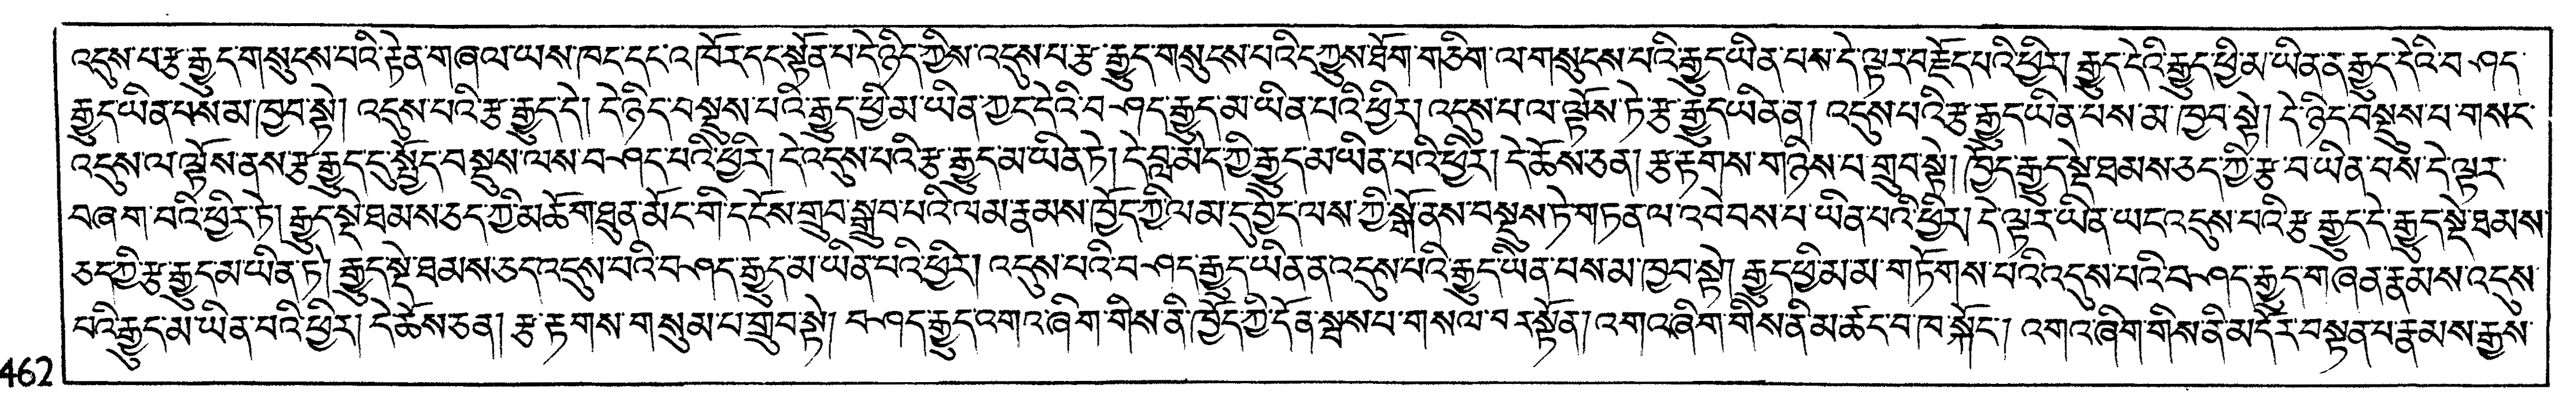འདུས་པ་རྩ་རྒྱུད་གསུངས་པའི་རྟེན་གཞལ་ཡས་ཁང་དང་འཁོར་དང་སྟོན་པ་དེ་ཉིད་ཀྱིས་འདུས་པ་རྩ་རྒྱུད་གསུངས་པའི་དཀྱུས་ཐོག་གཅིག་ལ་གསུངས་པའི་རྒྱུད་ཡིན་པས་དེ་ལྟར་བརྗོད་པའི་ཕྱིར། རྒྱུད་དེའི་རྒྱུད་ཕྱི་མ་ཡིན་ན་རྒྱུད་དེའི་བཤད་
རྒྱུད་ཡིན་པས་མ་ཁྱབ་སྟེ། འདུས་པའི་རྩ་རྒྱུད་དེ། དེ་ཉིད་བསྡུས་པའི་རྒྱུད་ཕྱི་མ་ཡིན་ཀྱང་དེའི་བཤད་རྒྱུད་མ་ཡིན་པའི་ཕྱིར། འདུས་པ་ལ་ལྟོས་ཏེ་རྩ་རྒྱུད་ཡིན་ན། འདུས་པའི་རྩ་རྒྱུད་ཡིན་པས་མ་ཁྱབ་སྟེ། དེ་ཉིད་བསྡུས་པ་གསང་
འདུས་ལ་ལྟོས་ནས་རྩ་རྒྱུད་དུ་སྤྱོད་བསྡུས་ལས་བཤད་པའི་ཕྱིར། དེ་འདུས་པའི་རྩ་རྒྱུད་མ་ཡིན་ཏེ། དེ་བླ་མེད་ཀྱི་རྒྱུད་མ་ཡིན་པའི་ཕྱིར། དེ་ཆོས་ཅན། རྩ་རྟགས་གཉིས་པ་གྲུབ་སྟེ། ཁྱོད་རྒྱུད་སྡེ་ཐམས་ཅད་ཀྱི་རྩ་བ་ཡིན་པས་དེ་ལྟར་
བཞག་པའི་ཕྱིར་ཏེ། རྒྱུད་སྡེ་ཐམས་ཅད་ཀྱི་མཆོག་ཐུན་མོང་གི་དངོས་གྲུབ་སྒྲུབ་པའི་ལམ་རྣམས་ཁྱོད་ཀྱི་ལམ་དུ་བྱེད་ལས་ཀྱི་སྒོ་ནས་བསྡུས་ཏེ་གཏན་ལ་འབེབས་པ་ཡིན་པའི་ཕྱིར། དེ་ལྟར་ཡིན་ཡང་འདུས་པའི་རྩ་རྒྱུད་དེ་རྒྱུད་སྡེ་ཐམས་
ཅད་ཀྱི་རྩ་རྒྱུད་མ་ཡིན་ཏེ། རྒྱུད་སྡེ་ཐམས་ཅད་འདུས་པའི་བཤད་རྒྱུད་མ་ཡིན་པའི་ཕྱིར། འདུས་པའི་བཤད་རྒྱུད་ཡིན་ན་འདུས་པའི་རྒྱུད་ཡིན་པས་མ་ཁྱབ་སྟེ། རྒྱུད་ཕྱི་མ་མ་གཏོགས་པའི་འདུས་པའི་བཤད་རྒྱུད་གཞན་རྣམས་འདུས་
པའི་རྒྱུད་མ་ཡིན་པའི་ཕྱིར། དེ་ཆོས་ཅན། རྩ་རྟགས་གསུམ་པ་གྲུབ་སྟེ། བཤད་རྒྱུད་འགའ་ཞིག་གིས་ནི་ཁྱོད་ཀྱི་དོན་སྦས་པ་གསལ་བར་སྟོན། འགའ་ཞིག་གིས་ནི་མ་ཚང་བ་ཁ་སྐོང་། འགའ་ཞིག་གིས་ནི་མདོར་བསྟན་པ་རྣམས་རྒྱས་